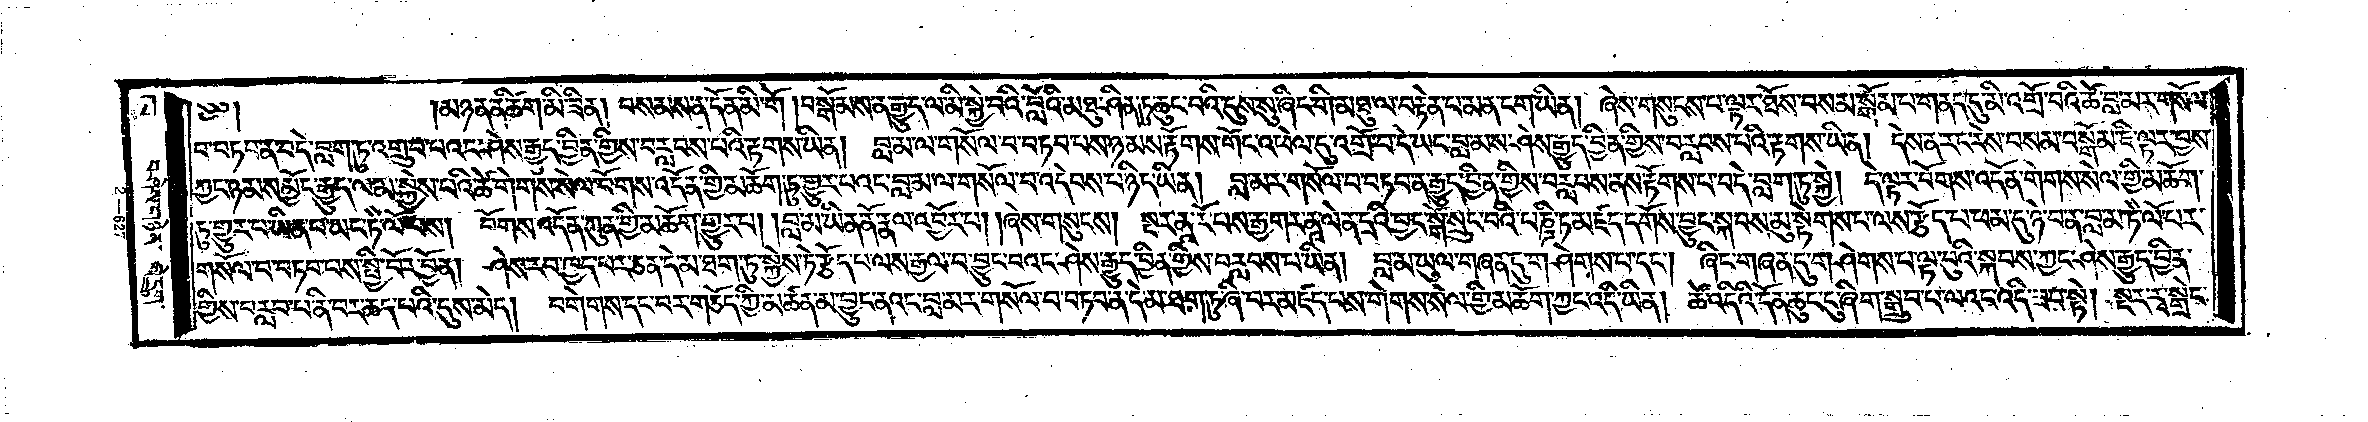༄༅། །མཉན་ན་ཚིག་མི་ཟིན། བསམས་ན་དོན་མི་གོ །བསྒོམས་ན་རྒྱུད་ལ་མི་སྐྱེ་བའི་བློའི་མཐུ་ཤིན་ཏུ་ཆུང་བའི་དུས་སུ་ཞིང་གི་མཐུ་ལ་བརྟེན་པ་མན་ངག་ཡིན། ཞེས་གསུངས་པ་ལྟར་ཐོས་བསམ་སྒོམ་པ་གནད་དུ་མི་འགྲོ་བའི་ཚེ་བླ་མར་གསོལ་
བ་བཏབ་ན་བདེ་བླག་ཏུ་འགྲུབ་པའང་ཤེས་རྒྱུད་བྱིན་གྱིས་བརླབས་པའི་རྟགས་ཡིན། བླ་མ་ལ་གསོལ་བ་བཏབ་པས་ཉམས་རྟོགས་གོང་འཕེལ་དུ་འགྲོ་བ་དེ་ཡང་བླ་མས་ཤེས་རྒྱུད་བྱིན་གྱིས་བརླབས་པའི་རྟགས་ཡིན། དེས་ན་རང་རེས་བསམ་བསྒོམ་ཇི་ལྟར་བྱས་
ཀྱང་ཉམས་མྱོང་རྒྱུད་ལམ་སྐྱེས་པའི་ཚེ་གེགས་སེལ་བོགས་འདོན་གྱིས་མཆོག་ཏུ་གྱུར་པའང་བླ་མ་ལ་གསོལ་བ་འདེབས་པ་ཉིད་ཡིན། བླ་མར་གསོལ་བ་བཏབ་ན་རྒྱུད་བྱིན་གྱིས་བརླབས་ནས་རྟོགས་པ་བདེ་བླག་ཏུ་སྐྱེ། དེ་ལྟར་བོགས་འདོན་གེགས་སེལ་གྱི་མཆོག་
ཏུ་གྱུར་པ་ཡིན་པ་ཡང་ཏཻ་ལོ་ལས། བོགས་འདོན་ཀུན་གྱི་མཆོག་གྱུར་པ། །བླ་མ་ཡིན་ནོ་རྣལ་འབྱོར་པ། །ཞེས་གསུངས། སྔར་ནཱ་རོ་པས་རྒྱ་གར་ནཱ་ལེན་འདྲའི་བྱང་སྒོ་སྲུང་པའི་པཎྜི་ཏ་མཛད་དགོས་བྱུང་སྐབས་མུ་སྟེགས་པ་ལས་རྩོད་པ་ཕམ་དུ་ཉེ་བ་ན་བླ་མ་ཏཻ་ལོ་པར་
གསོལ་བ་བཏབ་པས་སྤྱི་བོར་བྱོན། ཤེས་རབ་ཁྱད་པར་ཅན་དེ་མ་ཐག་ཏུ་སྐྱེས་ཏེ་རྩོད་པ་ལས་རྒྱལ་བ་བྱུང་བའང་ཤེས་རྒྱུད་བྱིན་གྱིས་བརླབས་པ་ཡིན། བླ་མ་ཡུལ་གཞན་དུ་གཤེགས་པ་དང་། ཞིང་གཞན་དུ་གཤེགས་པ་ལྟ་བུའི་སྐབས་ཀྱང་ཤེས་རྒྱུད་བྱིན་
གྱིས་བརླབ་པ་ནི་བར་ཆད་པའི་དུས་མེད། བགེགས་དང་བར་གཅོད་ཀྱི་མཚན་མ་བྱུང་ནའང་བླ་མར་གསོལ་བ་བཏབ་ན་དེ་མ་ཐུག་ཏུ་ཞི་བར་མཛད་པས་གེགས་སེལ་གྱི་མཆོག་ཀྱང་འདི་ཡིན། ཚེ་འདིའི་དོན་ཆུང་ངུ་ཞིག་སྒྲུབ་པ་ལའང་འདི་ཟབ་སྟེ། སྔར་རྭ་སྒྲེང་